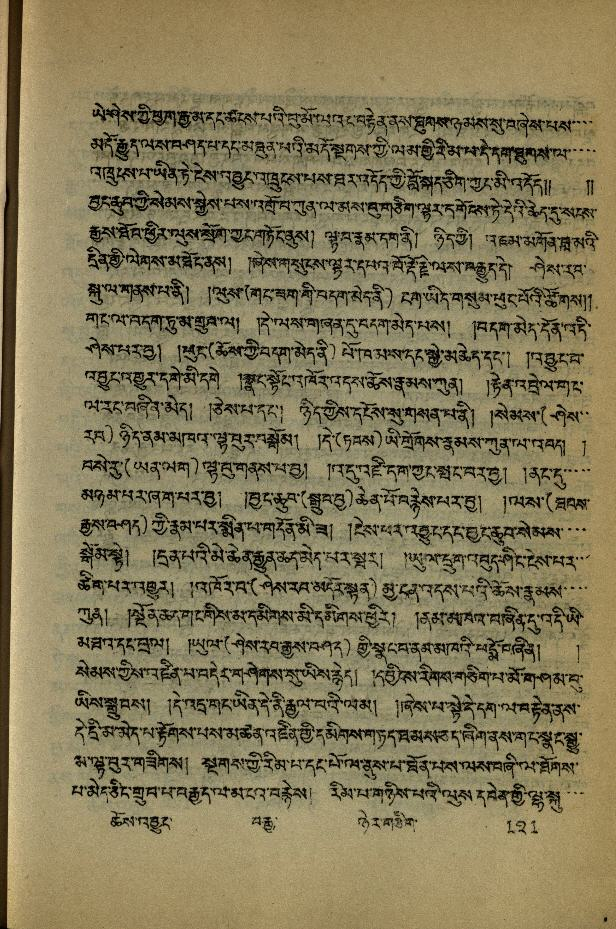ཡེ་ཤེས་ཀྱི་ཕྱག་རྒྱ་མ་དང་ཚངས་པའི་བུ་མོ་ལའང་བརྟེན་ནས་ཐུགས་ཉམས་སུ་བཞེས་པས་
མདོ་རྒྱུད་ལས་བཤད་པ་དང་མཐུན་པའི་མདོ་སྔགས་ཀྱི་ལམ་གྱི་རིམ་པ་དེ་དག་ཐུགས་ལ་
འཁྲུངས་པ་ཡིན་ཏེ་ངེས་འབྱུང་འཁྲུངས་པས་ཐར་འདོད་ཀྱི་བློ་སྐད་ཅིག་ཀྱང་མི་འདོད།། །།
བྱང་ཆུབ་ཀྱི་སེམས་སྐྱེས་པས་འགྲོ་བ་ཀུན་ལ་མས་བུ་གཅིག་ལྟར་དགོངས་ཏེ་དེའི་ཆེད་དུ་སངས་
རྒྱས་ཐོབ་ཕྱིར་ལུས་སྲོག་ཀྱང་གཏོང་ནུས། ལྟ་བ་རྣམ་དག་ནི། ཉིད་ཀྱི། འཇམ་མགོན་བླ་མའི་
དྲིན་གྱི་ལེགས་མཐོང་ནས། །ཞེས་གསུངས་ལྟར་དཔའ་བོ་རྡོ་རྗེ་ལས་བརྒྱུད་དེ། ཤེས་རབ་
སྐུ་ལ་གནས་པ་ནི། །ལུས་གང་ཟག་གི་བདག་མེད་ནི།  ངག་ཡིད་གསུམ་ཕུང་པོའི་ཚོགས།།
གང་ལ་བདག་ཏུ་མ་གྲུབ་ལ། །དེ་ལས་གཞན་དུ་བདག་མེད་པས། །བདག་མེད་དོན་འདི་
ཤེས་པར་བྱ། །ཕུང་ཆོས་ཀྱི་བདག་མེད་ནི།  པོ་ཁམས་དང་སྐྱེ་མཆེད་དང་། །འབྱུང་བ་
འབྱུང་འགྱུར་དགེ་མི་དགེ །སྣང་སྟོང་འཁོར་འདས་ཆོས་རྣམས་ཀུན། །རྟེན་འབྲེལ་གང་
ལ་རང་བཞིན་མེད། །ཅེས་པ་དང་། ཉིད་ཀྱིས་དངོས་སུ་གསན་པ་ནི། །སེམས་ཤེས་
རབ་ཉིད་ནམ་མཁའ་ལྟ་བུར་བསྒོམ། །དེ་ཏབས་ཡི་གྲོགས་རྣམས་ཀུན་ལ་འབད། །
བསེ་རུ་ཡན་ལག་ལྟ་བུ་གནས་པ་བྱ། །འདུ་འཛི་དག་ཀྱང་སྤང་བར་བྱ། །ནང་དུ་
མཉམ་པར་ཞག་པར་བྱ། །བྱང་ཆུབ་སྒྲུབ་བྱ་ཆེན་པོ་བརྙེས་པར་བྱ། །ལས་ཐབས་
རྒྱས་བཤད་ཀྱི་རྣམ་པར་སྨིན་པ་གདོན་མི་ཟ། །ངེས་པར་འབྱུང་དང་བྱང་ཆུབ་སེམས་
སྒོམ་སྟེ། །དྲན་པའི་མེ་ཆེན་རྒྱུན་ཆད་མེད་པར་སྦར། །ཡུལ་དྲུག་འབུད་ཤིང་ངེས་པར་
ཚིག་པར་འགྱུར། །འཁོར་བ་ཤེས་རབ་མདོར་སྟན་མྱ་ངན་འདས་པའི་ཆོས་རྣམས་
ཀུན། །སྔོན་ཆད་གང་གིས་མ་དམིགས་མི་དམིགས་ཕྱིར། །ནམ་མཁའ་བཞིན་དུ་འདི་ཡི་
མཐའ་དང་བྲལ། །ཡུལ་ཤེས་རབ་རྒྱས་བཤད་གྱི་སྣང་བ་ནམ་མཁའི་པདམོ་བཞིན། །
སེམས་ཀྱིས་འཛིན་པ་བདེར་གཤེགས་སུ་ཡིས་རྙེད། །དབྱིངས་རིགས་གཅིག་པ་མོ་གཤམ་བུ་
ཡིས་སྒྲུབས། །དེ་འདྲ་གང་ཡིན་དེ་ནི་རྒྱལ་བའི་ལམ། །ཞེས་པ་སྟེ་དེ་དག་ལ་བརྟེན་ནས་
དེ་དྲི་མ་མེད་པ་རྟོགས་པས་མཚན་འཛིན་གྱི་དམིགས་གཏད་ཐམས་ཅད་ཞིག་ནས་གང་སྣང་སྒྱུ་
མ་ལྟ་བུར་གཟིགས། སྔགས་ཀྱི་རིམ་པ་དང་པོ་ལ་ནུས་པ་ཐོན་པས་ལས་བཞི་ལ་ཐོགས་
པ་མེད་ཅིང་གྲུབ་པ་བརྒྱད་ལ་མངའ་བརྙེས། རིམ་པ་གཉིས་པའི་ལུས་དབེན་གྱི་ལྷ་སྐུ་